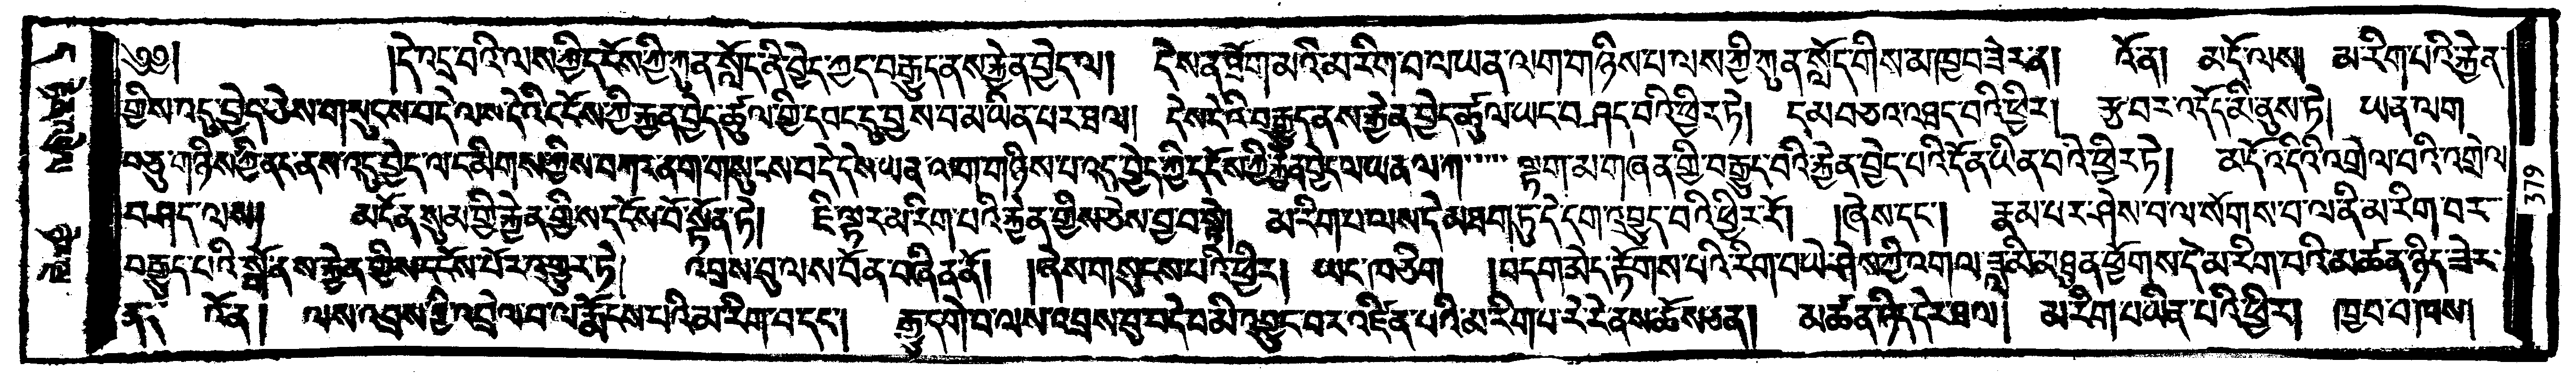༄༅། །དེ་འདྲ་བའི་ལས་ཀྱི་དངོས་ཀྱི་ཀུན་སློང་ནི་བྱེད་ཀྱང་བརྒྱུད་ནས་རྐྱེན་བྱེད་ལ། དེས་ན་ཐོག་མའི་མ་རིག་པ་ལ་ཡན་ལག་གཉིས་པ་ལས་ཀྱི་ཀུན་སློང་གིས་མ་ཁྱབ་ཟེར་ན། འོ་ན། མདོ་ལས། མ་རིག་པའི་རྐྱེན་
གྱིས་འདུ་བྱེད་ཅེས་གསུངས་པ་དེ་ལས་དེའི་དངོས་ཀྱི་རྒྱན་བྱེད་ཚུལ་གྱི་དབང་དུ་བྱས་པ་མ་ཡིན་པར་ཐལ། དེས་དེའི་བརྒྱུད་ནས་རྐྱེན་བྱེད་ཚུལ་ཡང་བཤད་པའི་ཕྱིར་ཏེ། དམ་བཅའ་འཐད་པའི་ཕྱིར། རྩ་བར་འདོད་མི་ནུས་ཏེ། ཡན་ལག་
བཅུ་གཉིས་ཀྱི་ནང་ནས་འདུ་བྱེད་ལ་དམིགས་ཀྱིས་བཀར་ནག་གསུངས་པ་དེ་དེས་ཡན་ལག་གཉིས་པ་འདུ་བྱེད་ཀྱི་དངོས་ཀྱི་རྐྱེན་བྱེད་ལ་ཡན་ལག་ལྟག་མ་གཞན་གྱི་བརྒྱུད་བའི་རྐྱེན་བྱེད་པའི་དོན་ཡིན་པའི་ཕྱིར་ཏེ། མདོ་འདིའི་འགྲེལ་བའི་འགྲེལ་
བཤད་ལས། མངོན་སུམ་གྱི་རྐྱེན་གྱིས་དངོས་པོ་སྟོན་ཏེ། ཇི་ལྟར་མ་རིག་པའི་རྐྱེན་གྱིས་ཅེས་བྱ་བ་སྟེ། མ་རིག་པ་ལས་དེ་མཐག་ཏུ་དེ་དག་འབྱུང་བའི་ཕྱིར་རོ། །ཞེས་དང་། རྣམ་པར་ཤེས་པ་ལ་སོགས་པ་ལ་ནི་མ་རིག་པར་
བརྒྱུད་པའི་སྒོ་ནས་རྐྱེན་གྱིས་དངོས་པོར་འགྱུར་ཏེ། འབྲས་བུ་ལ་ས་བོན་བཞིན་ནོ། །ཞེས་གསུངས་པའི་ཕྱིར། ཡང་ཁ་ཅིག །བདག་མེད་རྟོགས་པའི་རིག་པ་ཡེ་ཤེས་ཀྱི་འགལ་ཟླ་མི་མཐུན་ཕྱོགས་དེ་མ་རིག་པའི་མཚན་ཉིད་ཟེར་
ན༑ འོ་ན། ལས་འབྲས་ཀྱི་འབྲེལ་བ་ལ་རྨོངས་པའི་མ་རིག་པ་དང་། རྒྱུ་དགེ་བ་ལས་འབྲས་བུ་བདེ་བ་མི་འབྱུང་བར་འཛིན་པའི་མ་རིག་པ་རེ་རེ་ནས་ཆོས་ཅན། མཚན་ཉིད་དེར་ཐལ། མ་རིག་པ་ཡིན་པའི་ཕྱིར། ཁྱབ་པ་ཁས།